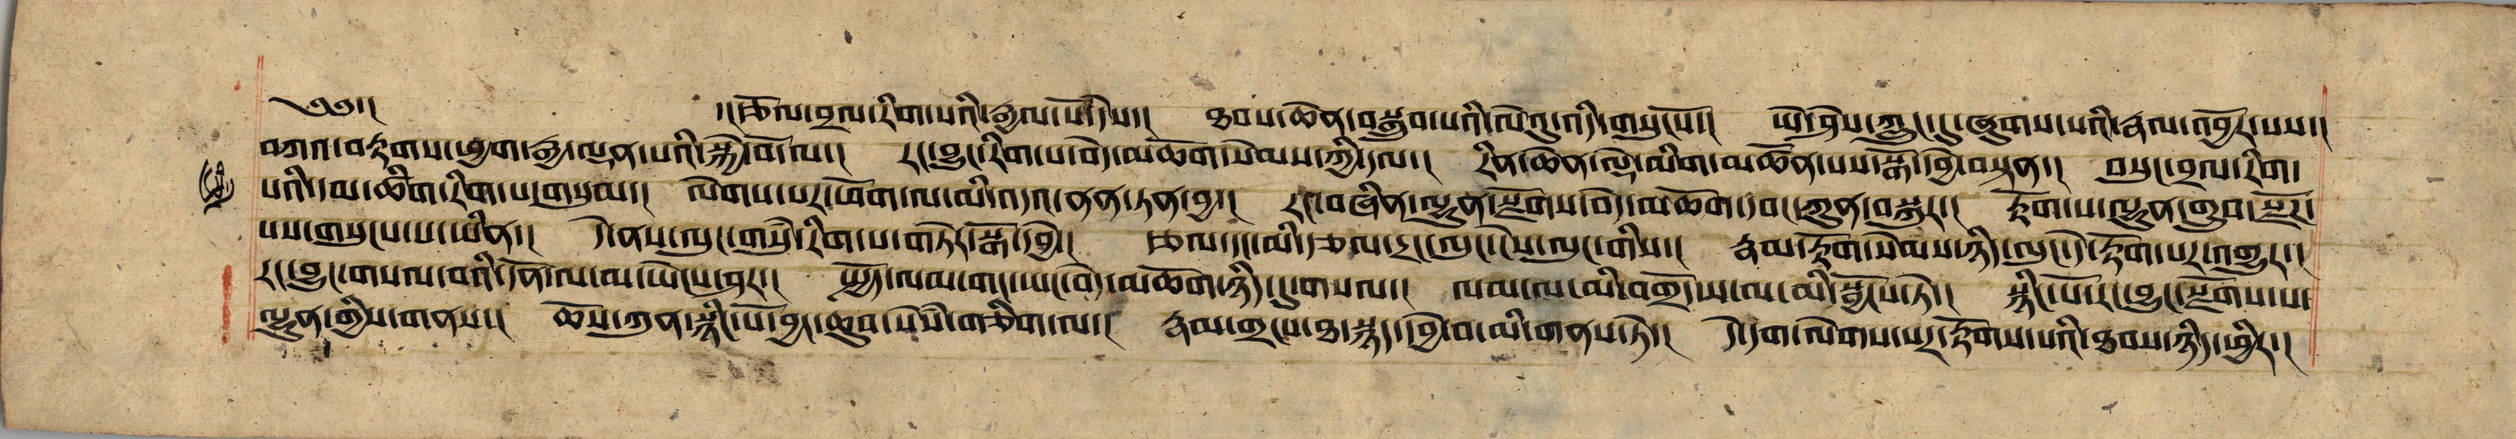༄༅་། ་།རྩོལ་བྲལ་རིག་པའི་རྒྱལ་པོ་དེས་། ཐབས་ཆེན་བསྒྲུབ་པའི་ལེའུ་འདི་གསུངསོ་། ཡེ་ཤེས་ཀླུང་དུ་ཞུགས་པའི་རྣལ་འབྱོར་པས་།
བཀའ་བརྟགས་ཕྱག་རྒྱ་ལྡན་པའི་སྐྱེ་བོ་ལ་། རང་བྱུང་རིག་པ་བདེ་མཆོག་སེམས་ཀྱི་དལ་། རིན་ཆེན་ལྡེ་མིག་མཚོན་པས་སྒོ་དབྱེ་བསྟན་། བསུང་བྲལ་རིག་
པའི་དམ་ཚིག་རིག་པ་གསུམ་། ལེགས་པར་ཕོག་ལ་མི་འདའ་ནན་ཏན་བྱ་། རང་བཞིན་ལྷུན་སྫོགས་བདེ་མཆོག་དབང་ཀུན་བསྐུར་། རྟོག་པ་ལྷུན་གྲུབ་སྫོཌ་
པས་གསུངས་པ་ཡིན་། དེ་ནས་ལུང་གསུཾ་རིག་པ་གཏེར་སྒོ་དབྱེ་། རྩལ་དང་མི་རྩལ་དྲང་ལུང་ངེས་ལུང་གིས་། རྣམ་རྟོག་སེམས་ཉིད་ལུང་དེ་རྟོག་པར་འགྱུར་།
རང་བྱུང་གསལ་བའི་དོན་ལ་མ་ཡེངས་ཤར་། སྤྱོད་ལམ་གང་ཡང་བདེ་མཆོག་ཉིད་དུ་གསལ་། ལམ་ལ་མི་བགྲོད་ས་ལ་མི་སྦྱོངས་ཏེ་། སྙིང་པོ་རང་བྱུང་སྫོགས་པ་
ལྷུན་གྱིས་གནས་། ཆོས་ཀུན་སྙིང་པོ་བྱང་ཆུབ་སེཾས་གཅིག་ལ་། རྣམ་གྲངས་ཐ་སྙད་དབྱེ་བ་མི་གནས་ཏེ་། དེ་དག་ལེགས་པར་རྟོགས་པའི་ཐབས་ཉིད་ཕྱིར་།